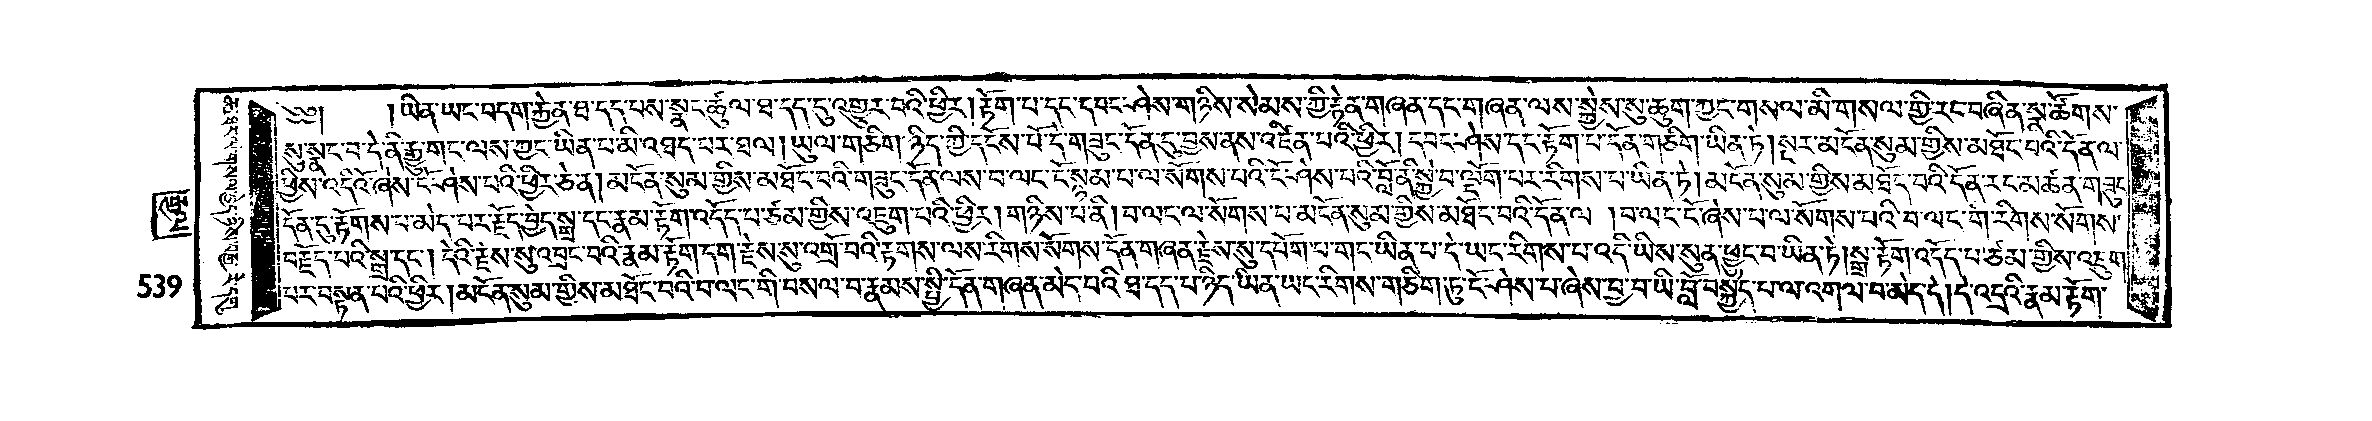༄༅། །ཡིན་ཡང་བདག་རྐྱེན་ཐ་དད་པས་སྣང་ཚུལ་ཐ་དད་དུ་འགྱུར་བའི་ཕྱིར། རྟོག་པ་དང་དབང་ཤེས་གཉིས་སེམས་ཀྱི་རྟེན་གཞན་དང་གཞན་ལས་སྐྱེས་སུ་ཆུག་ཀྱང་གསལ་མི་གསལ་གྱི་རང་བཞིན་སྣ་ཚོགས་
སུ་སྣང་བ་དེ་ནི་རྒྱུ་གང་ལས་ཀྱང་ཡིན་པ་མི་འཐད་པར་ཐལ། ཡུལ་གཅིག་ཉིད་ཀྱི་དངོས་པོ་དེ་གཟུང་དོན་དུ་བྱས་ནས་འཛིན་པའི་ཕྱིར། དབང་ཤེས་དང་རྟོག་པ་དོན་གཅིག་ཡིན་ཏེ། སྔར་མངོན་སུམ་གྱིས་མཐོང་བའི་དོན་ལ་
ཕྱིས་འདིའོ་ཞེས་ངོ་ཤེས་པའི་ཕྱིར་ཅེ་ན། མངོན་སུམ་གྱིས་མཐོང་བའི་གཟུང་དོན་ལས་བ་ལང་ངོ་སྙམ་པ་ལ་སོགས་པའི་ངོ་ཤེས་པའི་བློ་ནི་སྐྱེ་བ་ལྡོག་པར་རིགས་པ་ཡིན་ཏེ། མངོན་སུམ་གྱིས་མཐོང་བའི་དོན་རང་མཚན་གཟུང་
དོན་དུ་རྟོགས་པ་མེད་པར་རྗོད་བྱེད་སྒྲ་དང་རྣམ་རྟོག་འདོད་པ་ཙམ་གྱིས་འཇུག་པའི་ཕྱིར། གཉིས་པ་ནི། བ་ལང་ལ་སོགས་པ་མངོན་སུམ་གྱིས་མཐོང་བའི་དོན་ལ། བ་ལང་ངོ་ཞེས་པ་ལ་སོགས་པའི་བ་ལང་གི་རིགས་སོགས་
བརྗོད་པའི་སྒྲ་དང་། དེའི་རྗེས་སུ་འབྲང་བའི་རྣམ་རྟོག་དག་རྗེས་སུ་འགྲོ་བའི་རྟགས་ལས་རིགས་སོགས་དོན་གཞན་རྗེས་སུ་དཔོག་པ་གང་ཡིན་པ་དེ་ཡང་རིགས་པ་འདི་ཡིས་སུན་ཕྱུང་བ་ཡིན་ཏེ། སྒྲ་རྟོག་འདོད་པ་ཙམ་གྱིས་འཇུག་
པར་བསྟན་པའི་ཕྱིར། མངོན་སུམ་གྱིས་མཐོང་བའི་བ་ལང་གི་བསལ་བ་རྣམས་སྤྱི་དོན་གཞན་མེད་པའི་ཐ་དད་པ་ཉིད་ཡིན་ཡང་རིགས་གཅིག་ཏུ་ངོ་ཤེས་པ་ཞེས་བྱ་བ་ཡི་བློ་བསྐྱེད་པ་ལ་འགལ་བ་མེད་དེ། དེ་འདྲའི་རྣམ་རྟོག་